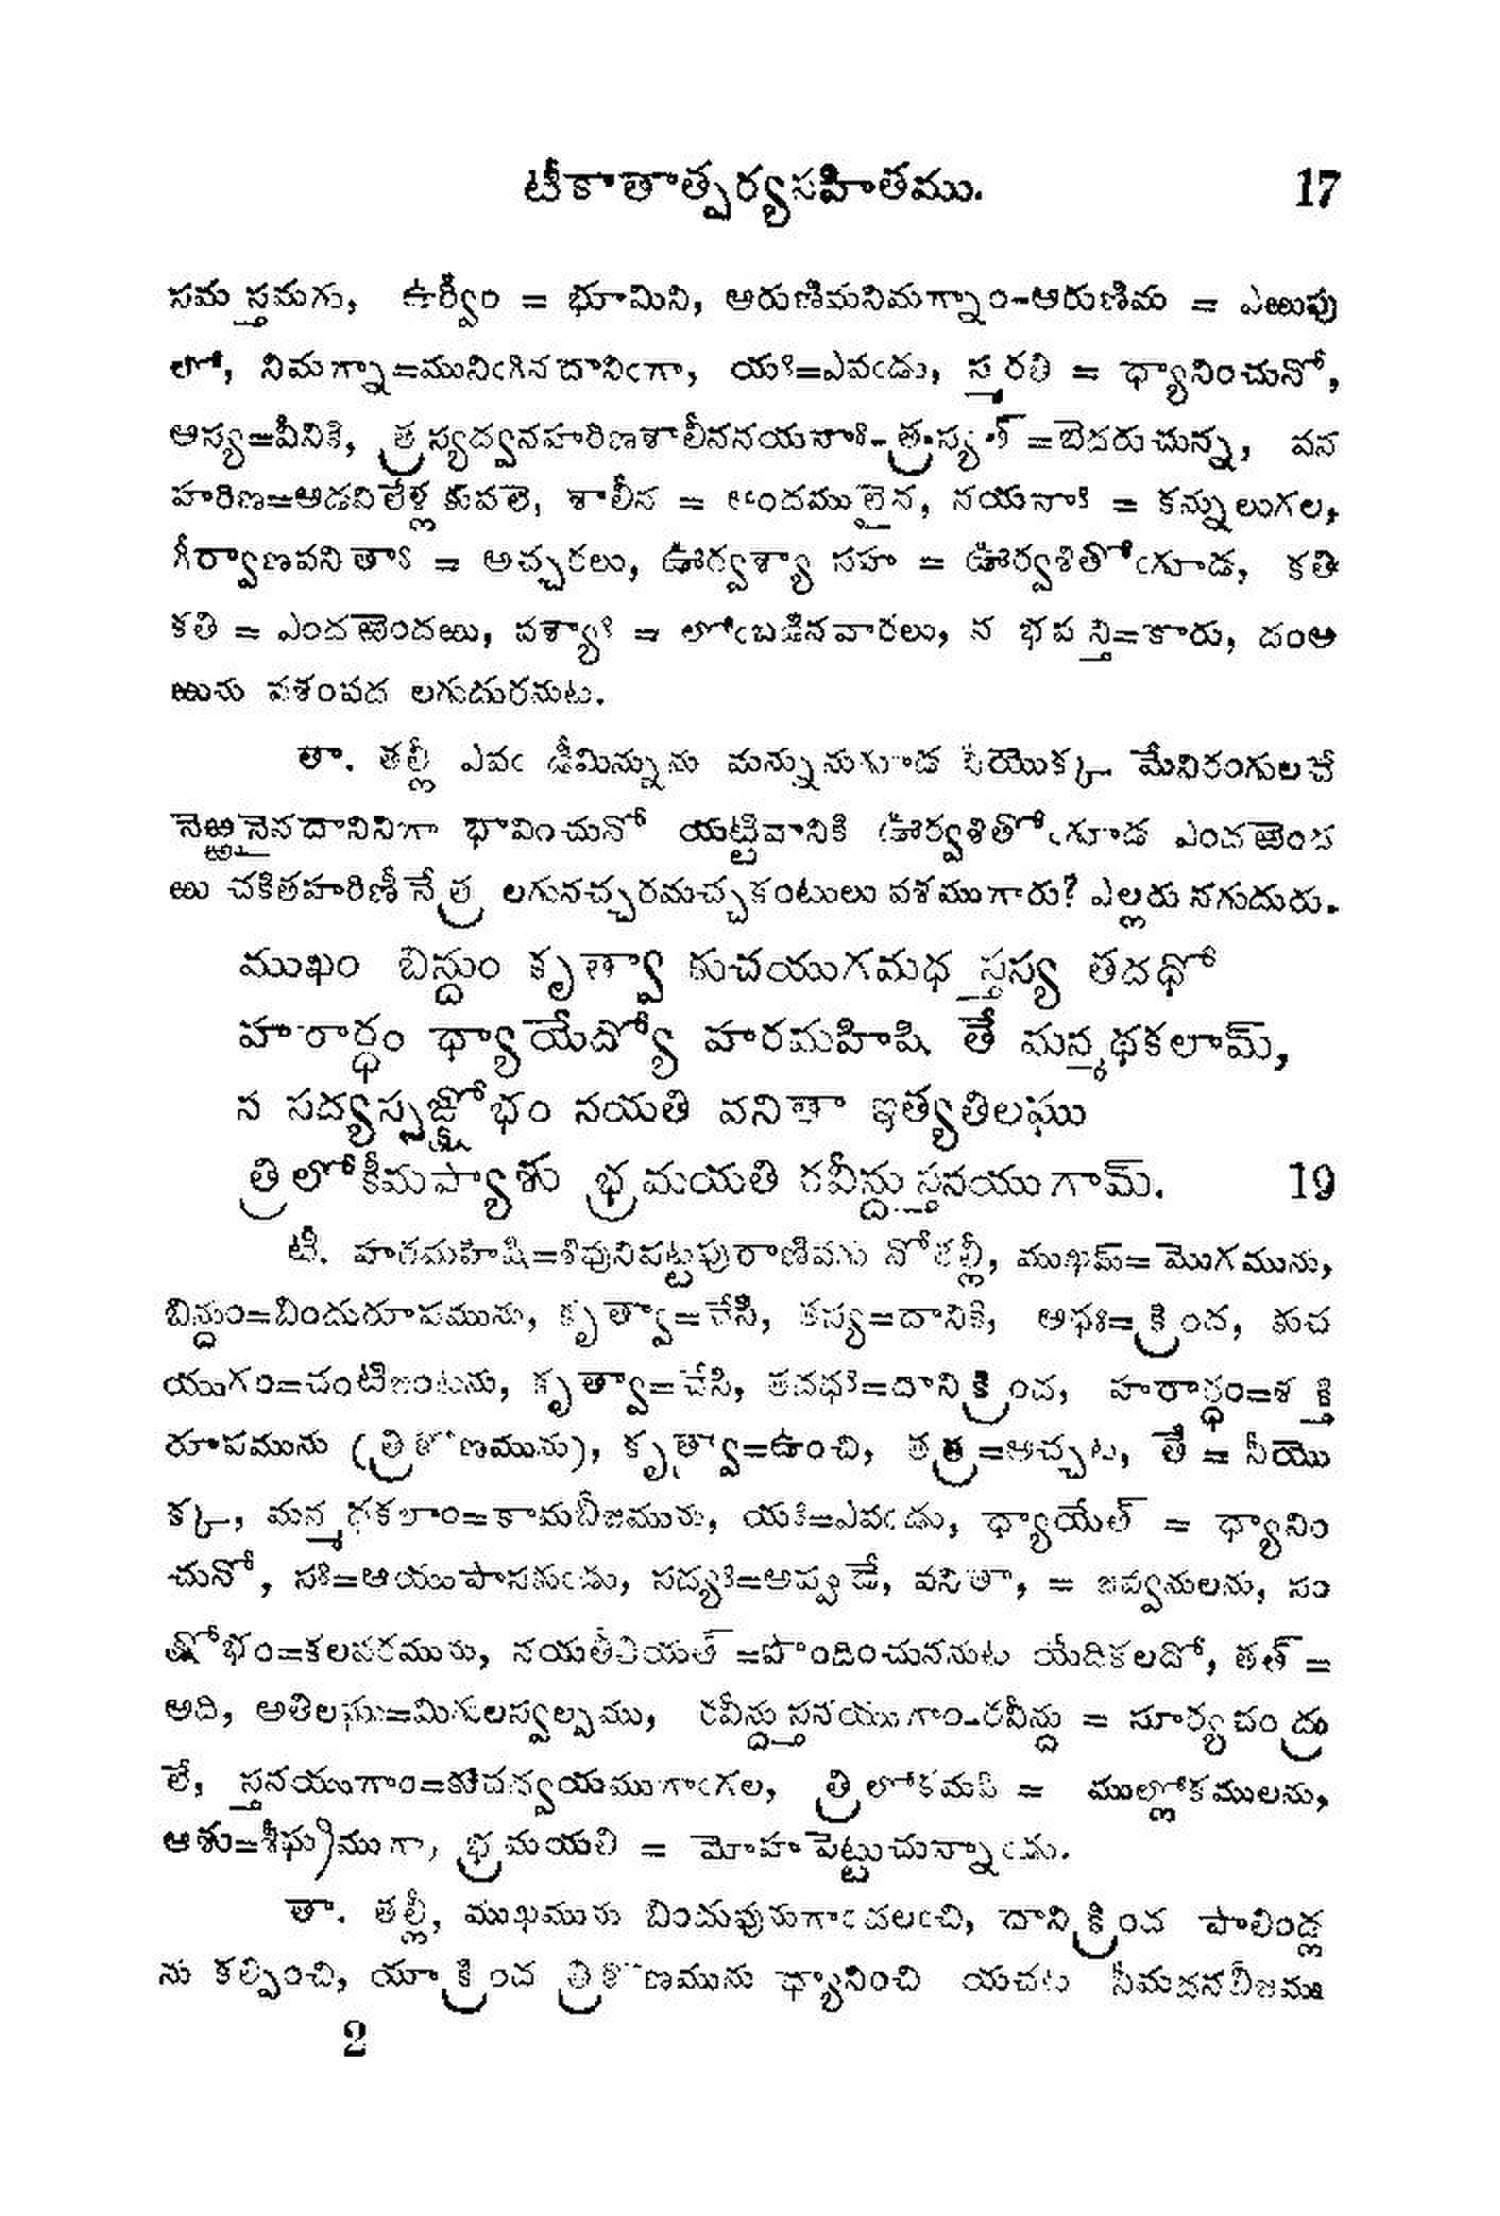సమస్తమగు, ఉర్వీం = భూమిని, అరుణిమనిమగ్నాం-అరుణిమ = ఎఱుపులో, నిమగ్నా = మునిఁగినదానిఁగా, యః = ఎవఁడు, స్మరతి = ధ్యానించునో, అస్య = వీనికి, త్రస్యద్వనహరిణశాలీననయనాః-త్రస్యత్ = బెదరుచున్న, వనహరిణ = అడవిలేళ్లకువలె, శాలీన = అందములైన, నయనాః = కన్నులుగల, గీర్వాణవనితాః = అచ్చరలు, ఊర్వశ్యా సహ = ఊర్వశితోఁగూడ, కతికతి = ఎందఱెందఱు, వశ్యాః = లోఁబడినవారలు, న భవన్తి = కారు, అందఱును వశంపద లగుదురనుట.

తా. తల్లీ ఎవఁ డీమిన్నును మన్నునుగూడ నీయొక్క మేనిరంగులచే నెఱ్ఱనైనదానినిగా భావించునో యట్టివానికి ఊర్వశితోఁగూడ ఎందఱెందఱు చకితహరిణీనేత్ర లగునచ్చరమచ్చకంటులు వశముగారు? ఎల్లరు నగుదురు.

శ్లో. ముఖం బిన్దుం కృత్వా కుచయుగమధస్తస్య తదధో
 హరార్ధం ధ్యాయేద్యో హరమహిషి తే మన్మథకలామ్,
 న సద్యస్సఙ్క్షోభం నయతి వనితా ఇత్యతిలఘు
 త్రిలోకీమప్యాశు భ్రమయతి రవీన్దుస్తనయుగామ్. 19
టీ. హరమహిషి = శివునిపట్టపురాణివగు వోతల్లీ, ముఖమ్ = మొగమును, బిన్దుం = బిందురూపమును, కృత్వా = చేసి, తస్య = దానికి, అధః = క్రింద, కుచయుగం = చంటిజంటను, కృత్వా = చేసి, తదధః = దానిక్రింద, హరార్ధం = శక్తిరూపమును (త్రికోణమును), కృత్వా = ఉంచి, తత్ర = అచ్చట, తే = నీయొక్క, మన్మధకలాం = కామబీజమును, యః = ఎవఁడు, ధ్యాయేత్ = ధ్యానించునో, సః = ఆయుపాసకుఁడు, సద్యః = అప్పుడే, వనితా = జవ్వనులను, సంక్షోభం = కలవరమును, నయతీతియత్ = పొందించుననుట యేదికలదో, తత్ = అది, అతిలఘు = మిగులస్వల్పము, రవీన్దుస్తనయుగాం-రవీన్దు = సూర్యచంద్రులే, స్తనయుగాం = కుచద్వయముగాఁగల, త్రిలోకమపి = ముల్లోకములను, ఆశు = శీఘ్రముగా, భ్రమయతి = మోహపెట్టుచున్నాఁడు.

తా. తల్లీ, ముఖమును బిందువునుగాఁ దలఁచి, దానిక్రింద పాలిండ్లను కల్పించి, యాక్రింద త్రికోణమును ధ్యానించి యచట నీమదనబీజము